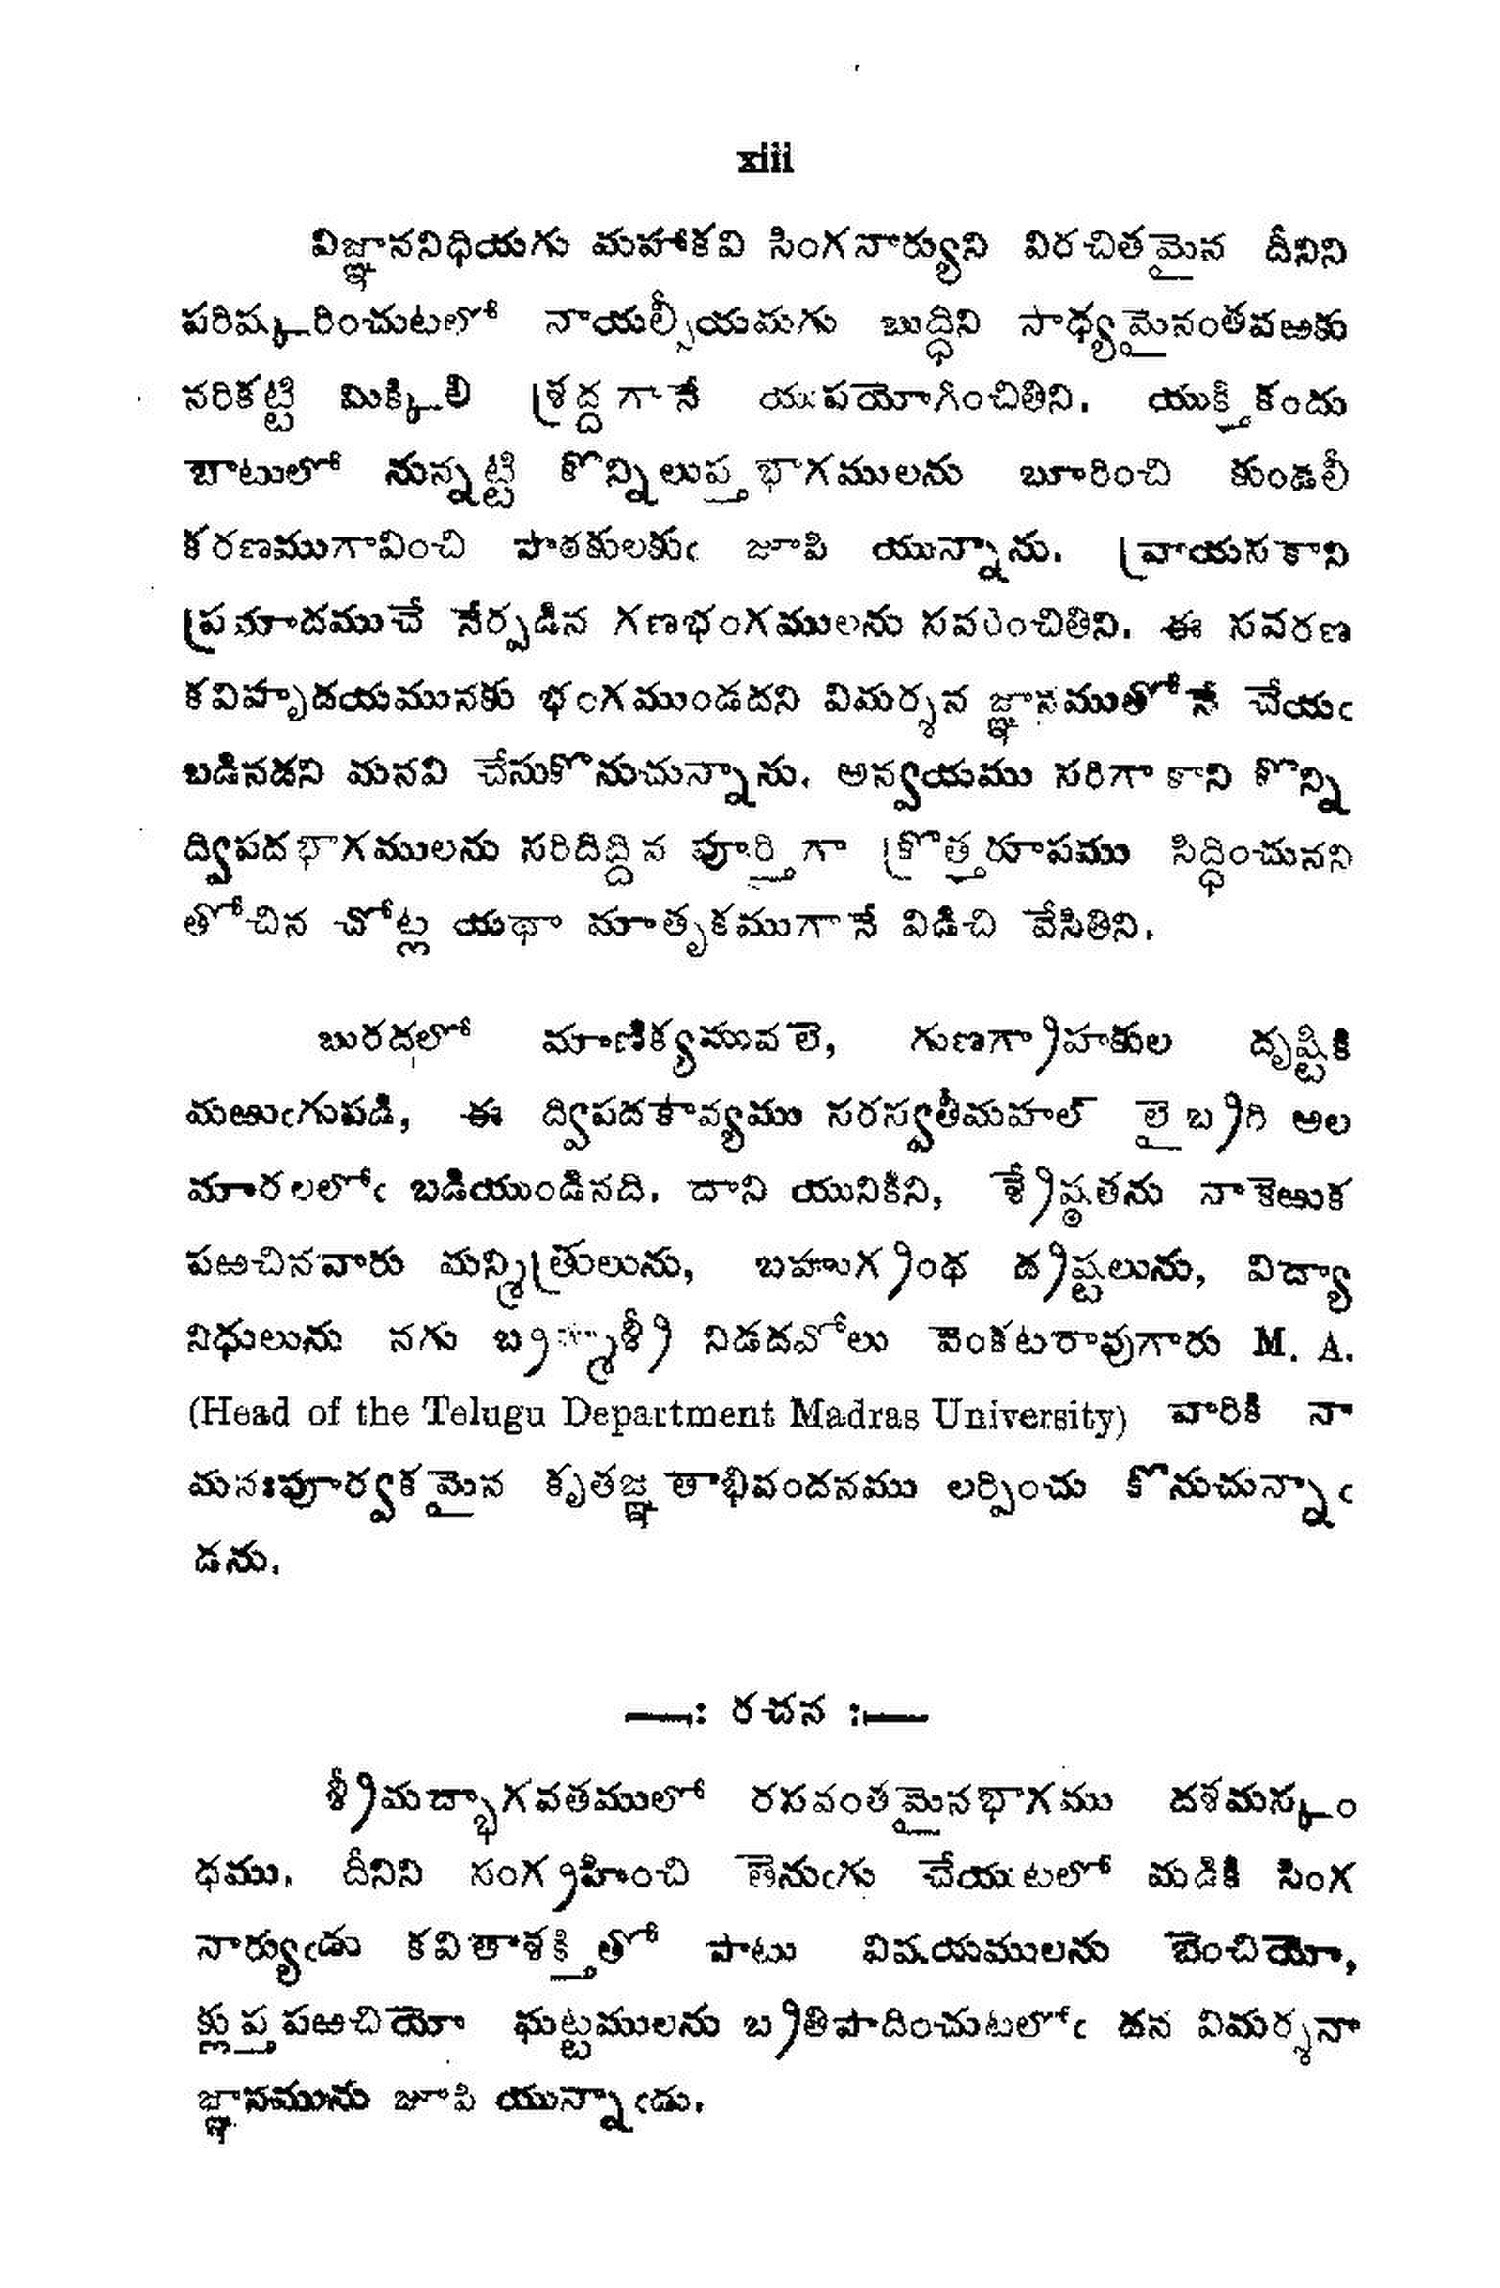విజ్ఞాననిధి యగు మహాకవి సింగనార్యుని విరచితమైన దీనిని పరిష్కరించుటలో నాయల్పీయమగు బుద్ధిని సాధ్యమైనంత వఱకు నరికట్టి మిక్కిలి శ్రద్ధగానే యుపయోగించితిని. యుక్తి కందుబాటులో నున్నట్టి కొన్ని లుప్తభాగములను బూరించి కుండలీకరణముగావించి పాఠకులకుఁ జూపి యున్నాను. వ్రాయసకాని ప్రమాదముచే నేర్పడిన గణభంగములను సవరించితిని. ఈ సవరణ కవిహృదయమునకు భంగముండదని విమర్శన జ్ఞానముతోనే చేయఁబడినదని మనవి చేసుకొను చున్నాను. అన్వయము సరిగా కాని కొన్ని ద్విపద భాగములను సరిదిద్దిన పూర్తిగా క్రొత్తరూపము సిద్ధించునని తోచిన చోట్ల యథా మాతృకముగానే విడిచి వేసితిని.

బురదలో మాణిక్యమువలె, గుణగ్రాహకుల దృష్టికి మఱుఁగుపడి, ఈ ద్విపదకావ్యము సరస్వతీమహల్ లైబ్రరి అలమారలలోఁ బడియుండినది. దాని యునికిని, శ్రేష్టతను నాకెఱుక పఱచినవారు మన్మిత్రులును, బహుగ్రంథ ద్రష్టలును, విద్యా నిధులును నగు బ్రహ్మశ్రీ నిడదవోలు వెంకటరావుగారు M. A. (Head of the Telugu Department Madras University) వారికి నా మనఃపూర్వకమైన కృతజ్ఞతాభివందనము లర్పించు కొనుచున్నాఁడను.
రచన
శ్రీ మద్భాగవతములో రసవంతమైనభాగము దశమస్కంధము. దీనిని సంగ్రహించి తెనుఁగు చేయుటలో మడికి సింగనార్యుఁడు కవితాశక్తితో పాటు విషయములను బెంచియో, క్లుప్తపఱచియో ఘట్టములను బ్రతిపాదించుటలోఁ దన విమర్శనా జ్ఞానమును జూపి యున్నాడు.